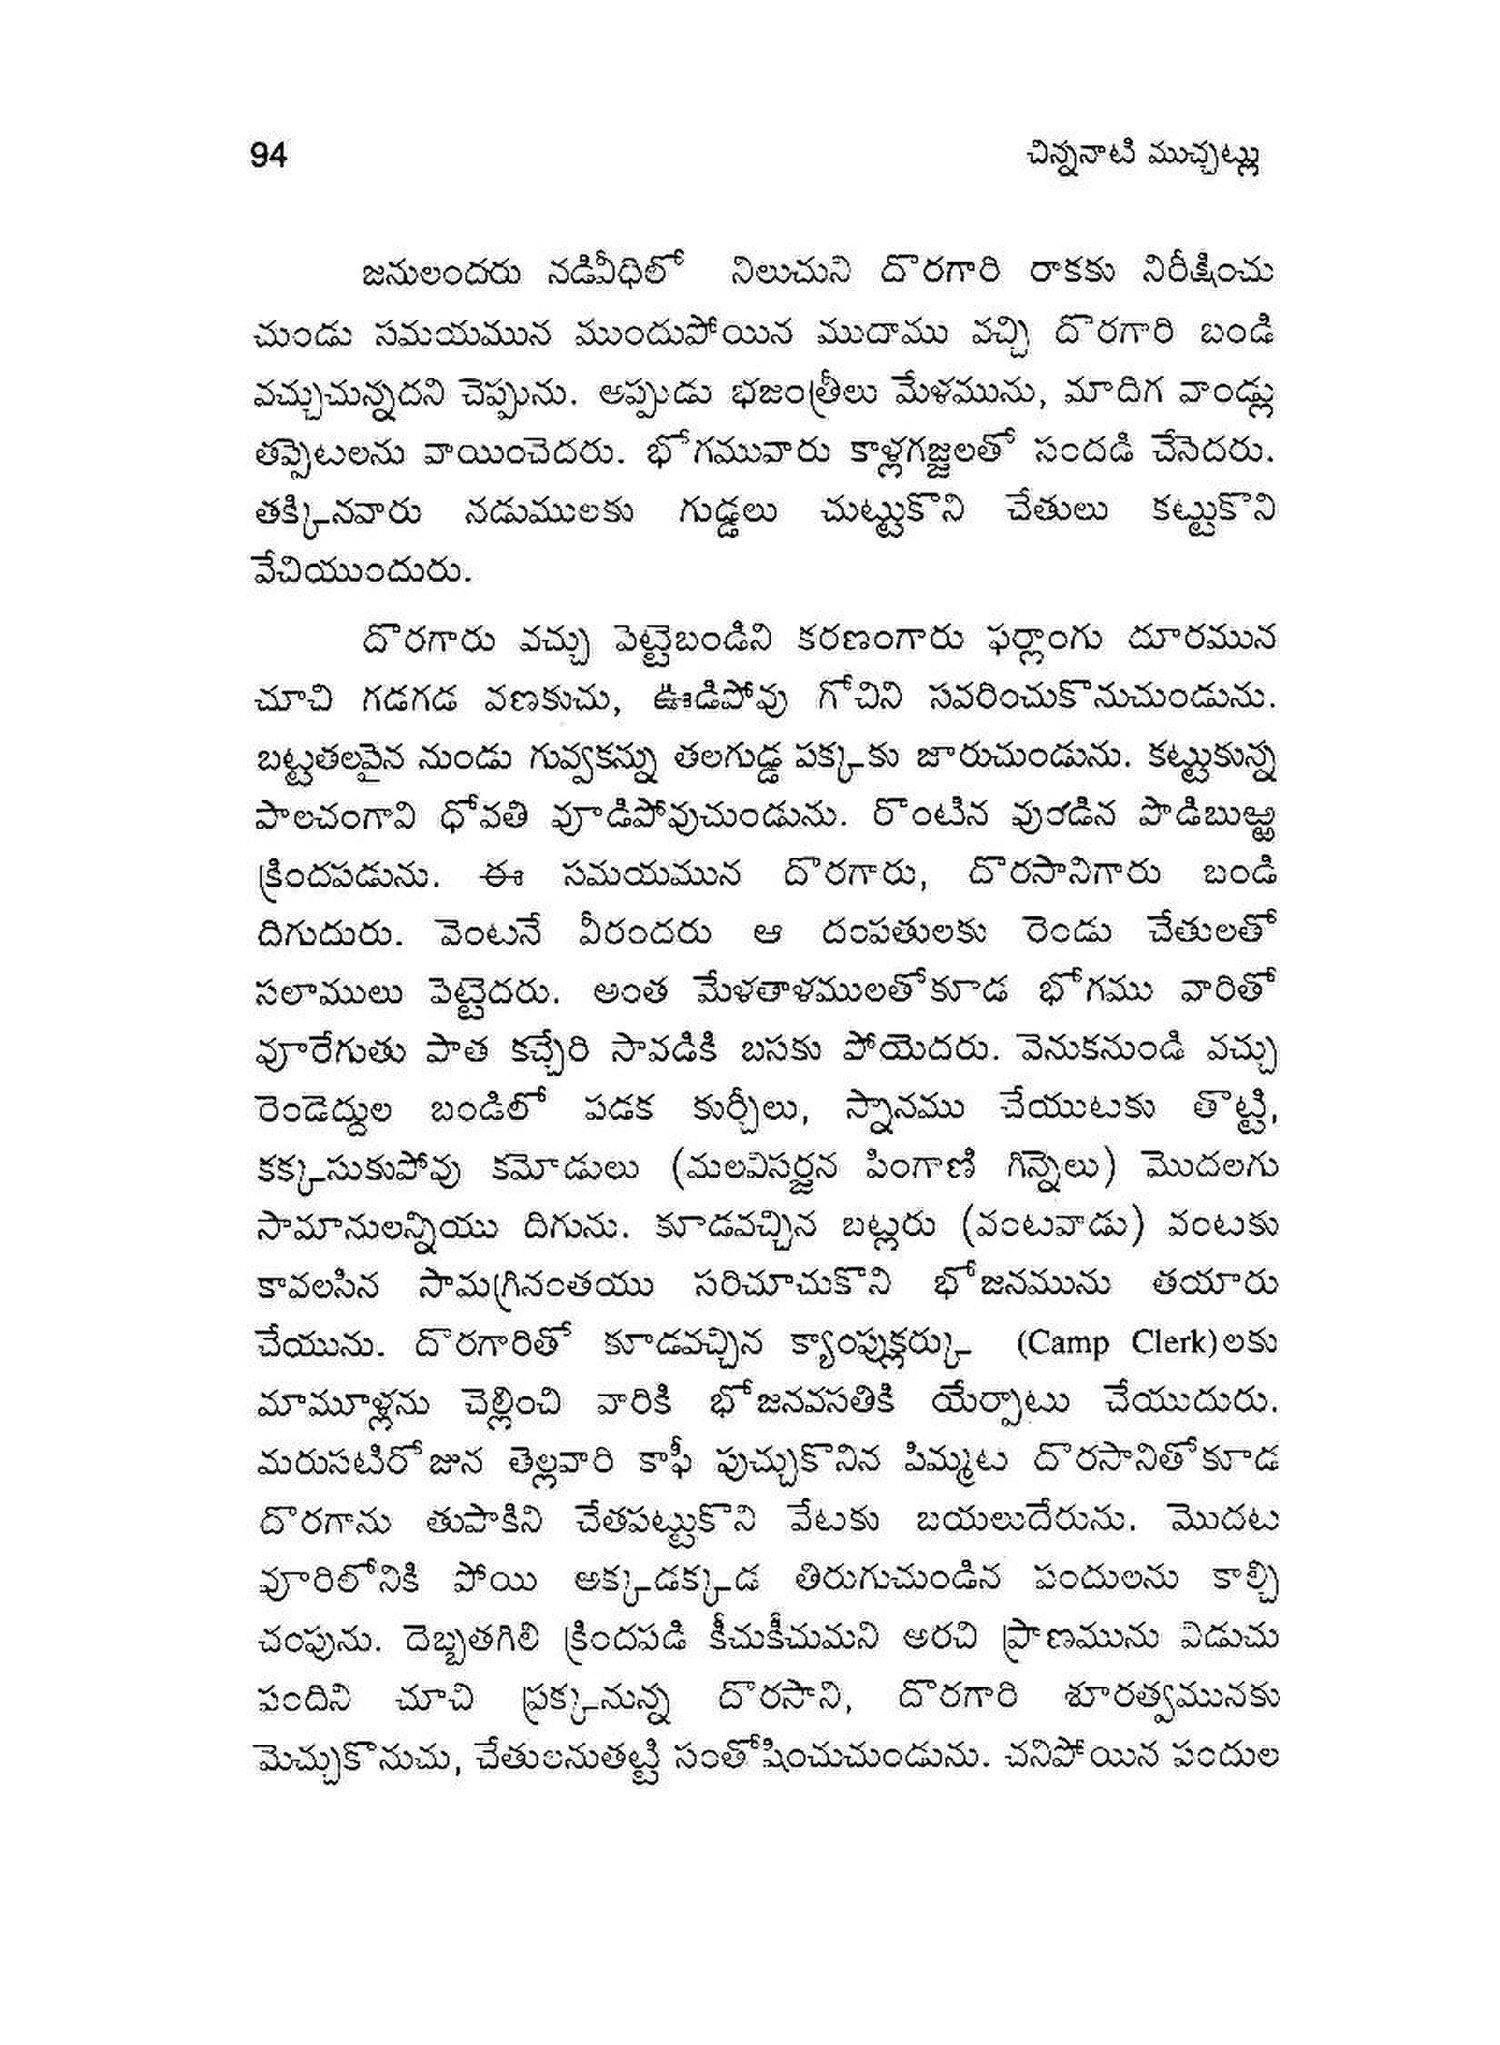జనులందరు నడివీధిలో నిలుచుని దొరగారి రాకకు నిరీక్షించు చుండు సమయమున ముందుపోయిన ముదాము వచ్చి దొరగారి బండి వచ్చుచున్నదని చెప్పును. అప్పడు భజంత్రీలు మేళమును, మాదిగ వాండ్లు తప్పెటలను వాయించెదరు. భోగమువారు కాళ్లగజ్జలతో సందడి చేసెదరు. తక్కినవారు నడుములకు గుడ్డలు చుట్టుకొని చేతులు కట్టుకొని వేచియుందురు.

దొరగారు వచ్చు పెట్టెబండిని కరణంగారు ఫర్లాంగు దూరమున చూచి గడగడ వణకుచు, ఊడిపోవు గోచిని సవరించుకొనుచుండును. బట్టతలపైన నుండు గువ్వకన్ను తలగుడ్డ పక్కకు జారుచుండును. కట్టుకున్న పాలచంగావి ధోవతి వూడిపోవుచుండును. రొంటిన వుండిన పొడిబుఱ్ఱ క్రిందపడును. ఈ సమయమున దొరగారు, దొరసానిగారు బండి దిగుదురు. వెంటనే వీరందరు ఆ దంపతులకు రెండు చేతులతో సలాములు పెట్టెదరు. అంత మేళతాళములతోకూడ భోగము వారితో వూరేగుతు పాత కచ్చేరి సావడికి బసకు పోయెదరు. వెనుకనుండి వచ్చు రెండెద్దుల బండిలో పడక కుర్చీలు, స్నానము చేయుటకు తొట్టి, కక్కసుకుపోవు కమోడులు (మలవిసర్జన పింగాణి గిన్నెలు) మొదలగు సామానులన్నియు దిగును. కూడవచ్చిన బట్లరు (వంటవాడు) వంటకు కావలసిన సామగ్రినంతయు సరిచూచుకొని భోజనమును తయారు చేయును. దొరగారితో కూడ వచ్చిన క్యాంపు క్లర్కు (Camp Clerk) లకు మామూళ్లను చెల్లించి వారికి భోజనవసతికి యేర్పాటు చేయుదురు. మరుసటిరోజున తెల్లవారి కాఫీ పుచ్చుకొనిన పిమ్మట దొరసానితో కూడ దొరగాను తుపాకిని చేతపట్టుకొని వేటకు బయలుదేరును. మొదట వూరిలోనికి పోయి అక్కడక్కడ తిరుగుచుండిన పందులను కాల్చి చంపును. దెబ్బతగిలి క్రిందపడి కీచుకీచుమని అరచి ప్రాణమును విడుచు పందిని చూచి ప్రక్కనున్న దొరసాని, దొరగారి శూరత్వమునకు మెచ్చుకొనుచు, చేతులను తట్టి సంతోషించుచుండును. చనిపోయిన పందుల